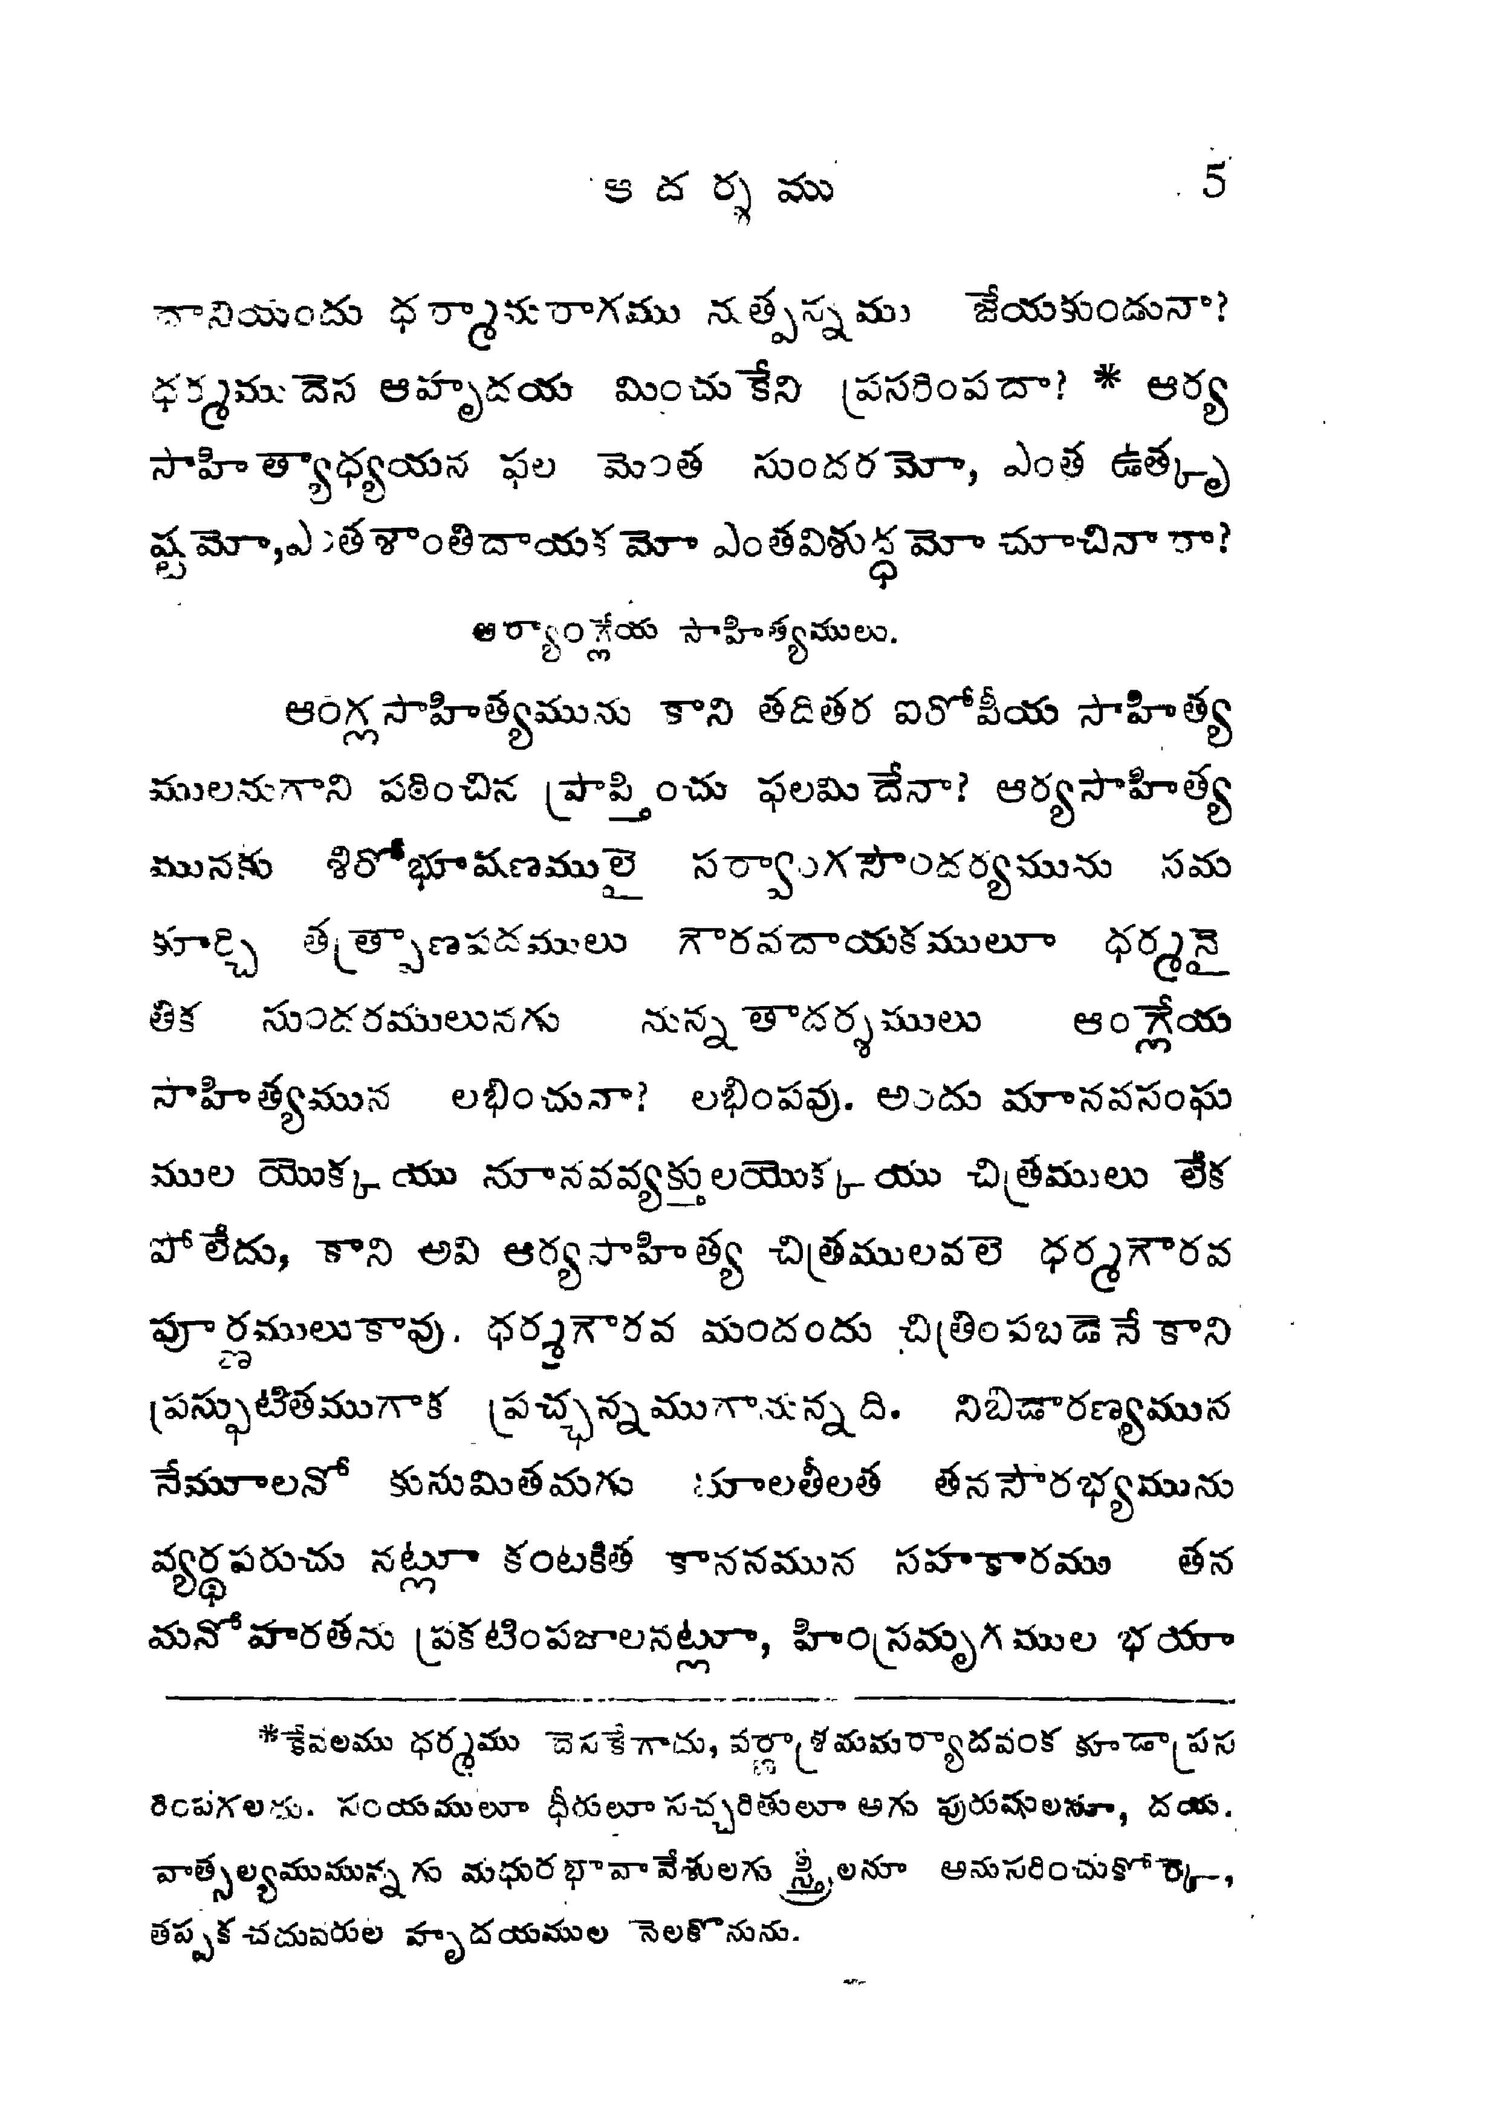దానియందు ధర్మానురాగము నుత్పన్నము జేయకుండునా? ధర్మముదెస ఆహృదయ మించుకేని ప్రసరింపదా? * ఆర్య సాహిత్యాధ్యయన ఫల మెంత సుందరమో, ఎంత ఉత్కృష్టమో, ఎంతశాంతిదాయకమో ఎంతవిశుద్ధమో చూచినారా?

ఆంగ్లసాహిత్యమును కాని తదితర ఐరోపీయ సాహిత్యములనుగాని పఠించిన ప్రాప్తించు ఫలమిదేనా? ఆర్యసాహిత్యమునకు శిరోభూషణములై సర్వాంగసౌందర్యమును సమకూర్చి తత్ప్రాణపదములు గౌరవదాయకములూ ధర్మనైతిక సుందరములునగు నున్నతాదర్శములు ఆంగ్లేయ సాహిత్యమున లభించునా? లభింపవు. అందు మానవసంఘాముల యొక్కయు నూనవవ్యక్తులయొక్కయు చిత్రములు లేక పోలేదు, కాని అవి ఆర్యసాహిత్య చిత్రములవలె ధర్మగౌరవ పూర్ణములుకావు. ధర్మగౌరవ మందందు చిత్రింపబడెనేకాని ప్రస్ఫుటితముగాక ప్రచ్ఛన్నముగానున్నది. నిబిడారణ్యమున నేమూలనో కుసుమితమగు మాలతీలత తనసౌరభ్యమును వ్యర్థపరుచు నట్లూ కంటకిత కాననమున సహకారము తన మనోహరతను ప్రకటింపజాలనట్లూ, హింస్రమృగముల భయా